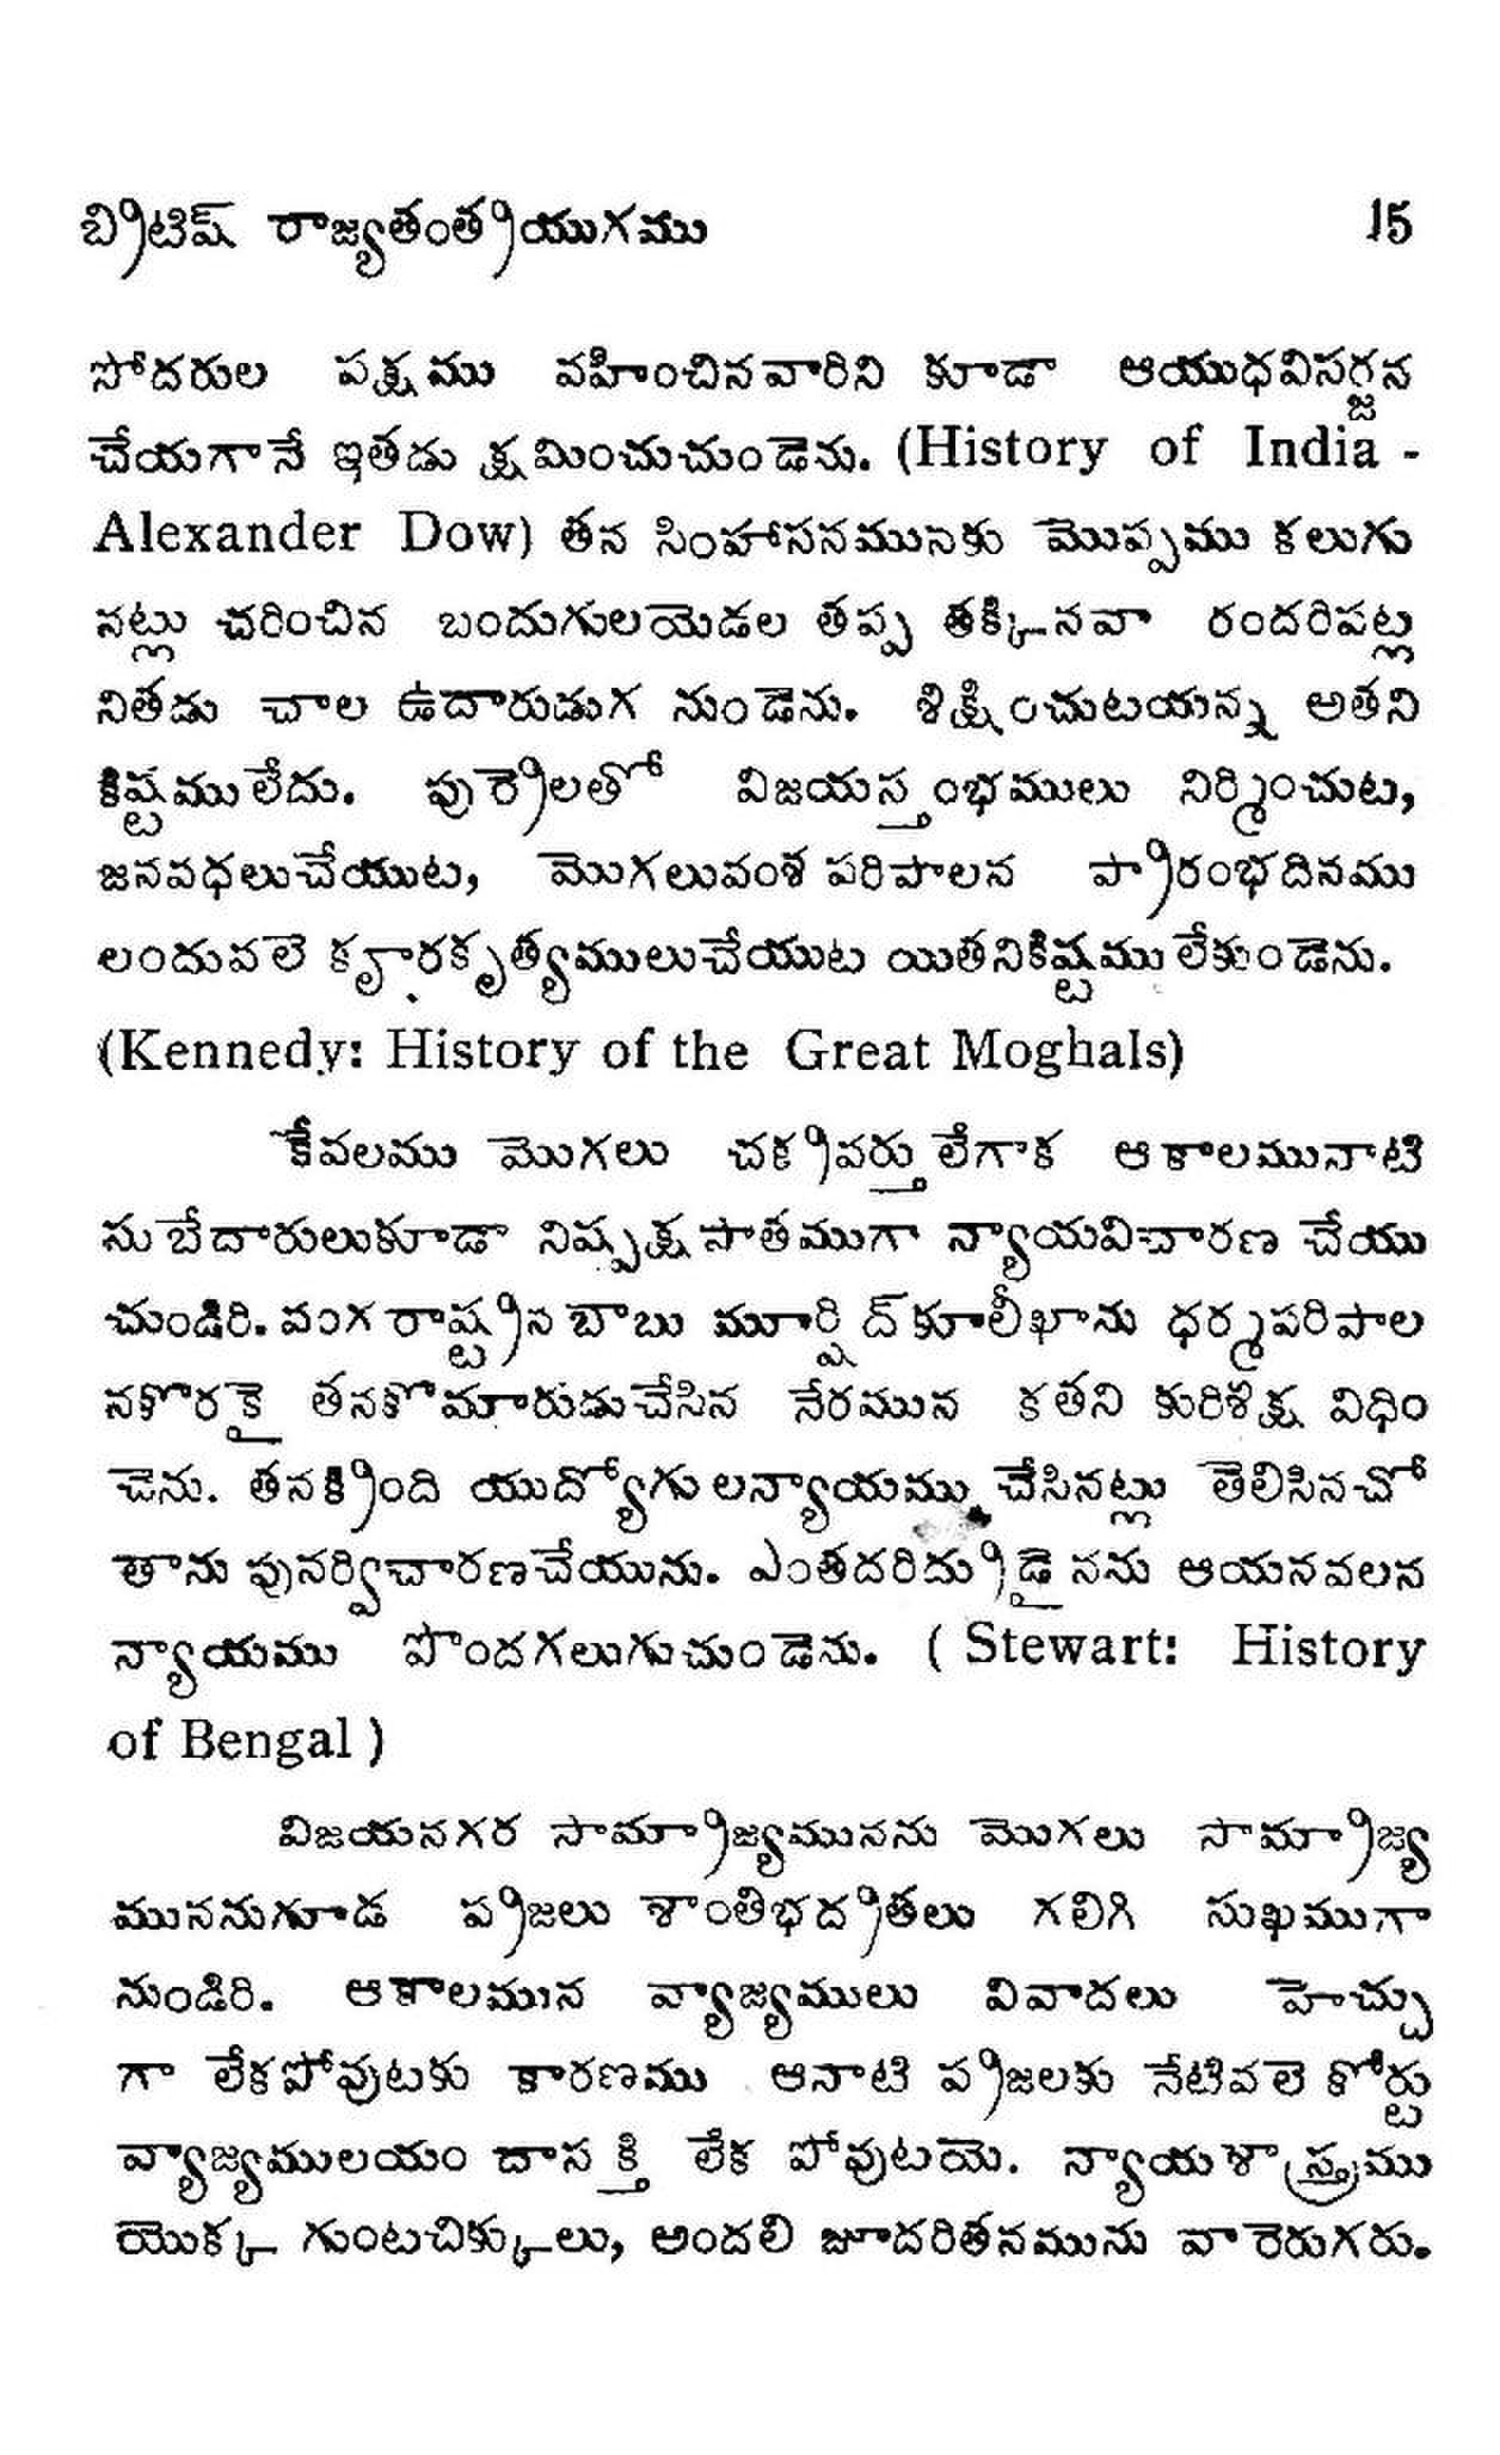సోదరుల పక్షము వహించినవారిని కూడా ఆయుధవిసర్జన చేయగానే ఇతడు క్షమించుచుండెను. (History of India - Alexander Dow) తన సింహాసనమునకు మొప్పము కలుగునట్లు చరించిన బందుగులయెడల తప్ప తక్కినవా రందరిపట్ల నితడు చాల ఉదారుడుగ నుండెను. శిక్షించుటయన్న అతని కిష్టములేదు. పుర్రెలతో విజయస్తంభములు నిర్మించుట, జనవధలుచేయుట, మొగలువంశపరిపాలన ప్రారంభదినము లందువలె కౄరకృత్యములుచేయుట యితనికిష్టము లేకుండెను. (Kennedy: History of the Great Moghals)

కేవలము మొగలు చక్రవర్తులేగాక ఆకాలమునాటి సుబేదారులుకూడా నిష్పక్షపాతముగా న్యాయవిచారణ చేయుచుండిరి. వంగరాష్ట్రన బాబు మూర్షిద్‌కూలీఖాను ధర్మపరిపాలనకొరకై తనకొమారుడుచేసిన నేరమున కతని కురిశిక్ష విధించెను. త క్రింది యుద్యోగులన్యాయము చేసినట్లు తెలిసినచో తాను పునర్విచారణచేయును. ఎంతదరిద్రుడైనను ఆయనవలన న్యాయము పొందగలుగుచుండెను. ( Stewart: History of Bengal)

విజయనగర సామ్రాజ్యమునను మొగలు సామ్రాజ్యముననుగూడ ప్రజలు శాంతిభద్రతలు గలిగి సుఖముగా నుండిరి. ఆకాలమున వ్యాజ్యములు వివాదలు హెచ్చుగా లేకపోవుటకు కారణము ఆనాటి ప్రజలకు నేటివలె కోర్టు వ్యాజ్యములయం దాసక్తి లేక పోవుటయె. న్యాయశాస్త్రము యొక్క గుంటచిక్కులు, అందలి జూదరితనమును వారెరుగరు.